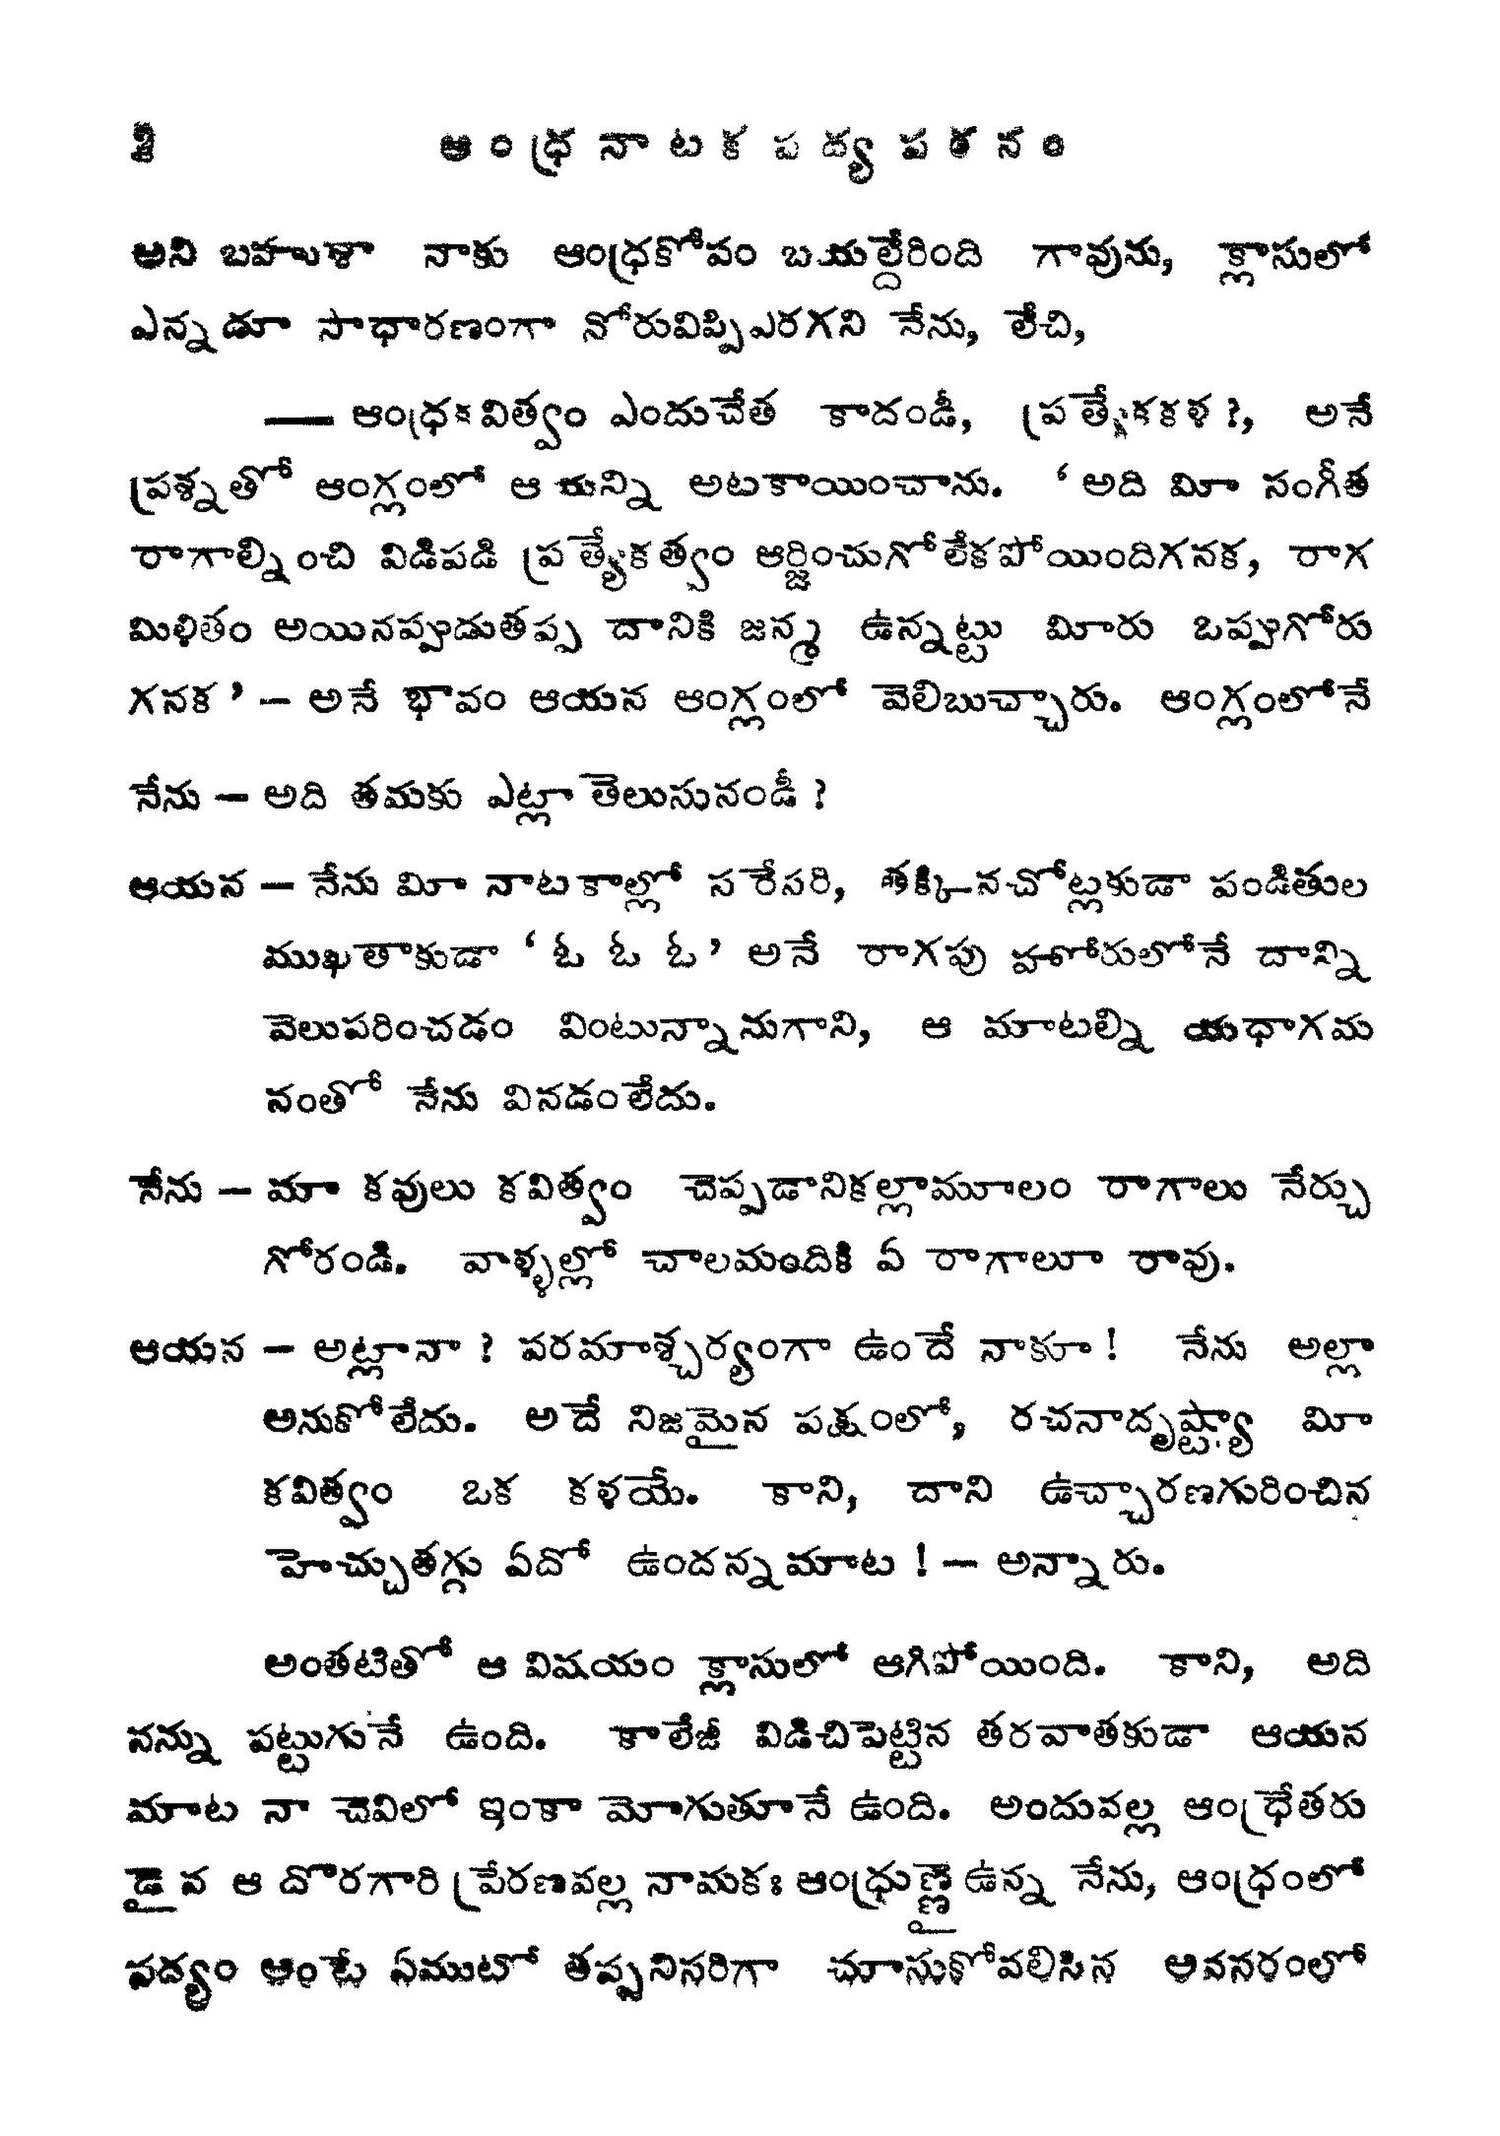అని బహుశా నాకు ఆంధ్రకోపం బయల్దేరింది గావును, క్లాసులో
ఎన్నడూ సాధారణంగా నోరువిప్పిఎరగని నేను, లేచి,

ఆంధ్రకవిత్వం ఎందుచేత కాదండీ, ప్రత్యేకకళ ?, అనే
ప్రశ్నతో ఆంగ్లంలో ఆయన్ని అటకాయించాను. 'అది మీ సంగీత
రాగాల్నించి విడిపడి ప్రత్యేకత్వం ఆర్జించుగోలేకపోయిందిగనక, రాగ
మిళితం అయినప్పుడుతప్ప దానికి జన్మ ఉన్నట్టు మీరు ఒప్పుగోరు
గనక' -- అనే భావం ఆయన ఆంగ్లంలో వెలిబుచ్చారు. ఆంగ్లంలోనే

నేను - అది తమకు ఎట్లా తెలుసునండీ ?

ఆయన - నేను మీ నాటకాల్లో సరేసరి, తక్కినచోట్లకుడా పండితుల
ముఖతాకుడా 'ఓ ఓ ఓ ' అనే రాగపు హోరులోనే దాన్ని
వెలువరించడం వింటున్నానుగాని, ఆ మాటల్ని యధాగమ
నంతో నేను వినడం లేదు.

నేను - మా కవులు కవిత్వం చెప్పడానికల్లామూలం రాగాలు నేర్చు
గోరండి. వాళ్ళల్లో చాలమందికి ఏ రాగాలూ రావు.

ఆయన - అట్లానా ? పరమాశ్చర్యంగా ఉందే నాకూ! నేను అల్లా
అనుకోలేదు. అదే నిజమైన పక్షంలో, రచనాదృష్ట్యా మీ
కవిత్వం ఒక కళయే. కాని, దాని ఉచ్చారణగురించిన
హెచ్చుతగ్గు ఏదో ఉందన్నమాట ! - అన్నారు.

అంతటితో ఆ విషయం క్లాసులో ఆగిపోయింది. కాని, అది
నన్ను పట్టుగునే ఉంది. కాలేజీ విడిచిపెట్టిన తరవాతకుడా ఆయన
మాట నా చెవిలో ఇంకా మోగుతూనే ఉంది. అందువల్ల ఆంధ్రేతరు
డైన ఆ దొరగారి ప్రేరణవల్ల నామకః ఆంధ్రుణ్ణై ఉన్న నేను, ఆంధ్రంలో
వద్యం ఆంటే ఏముటో తప్పనిసరిగా చూసుకోవలిసిన అవసరంలో